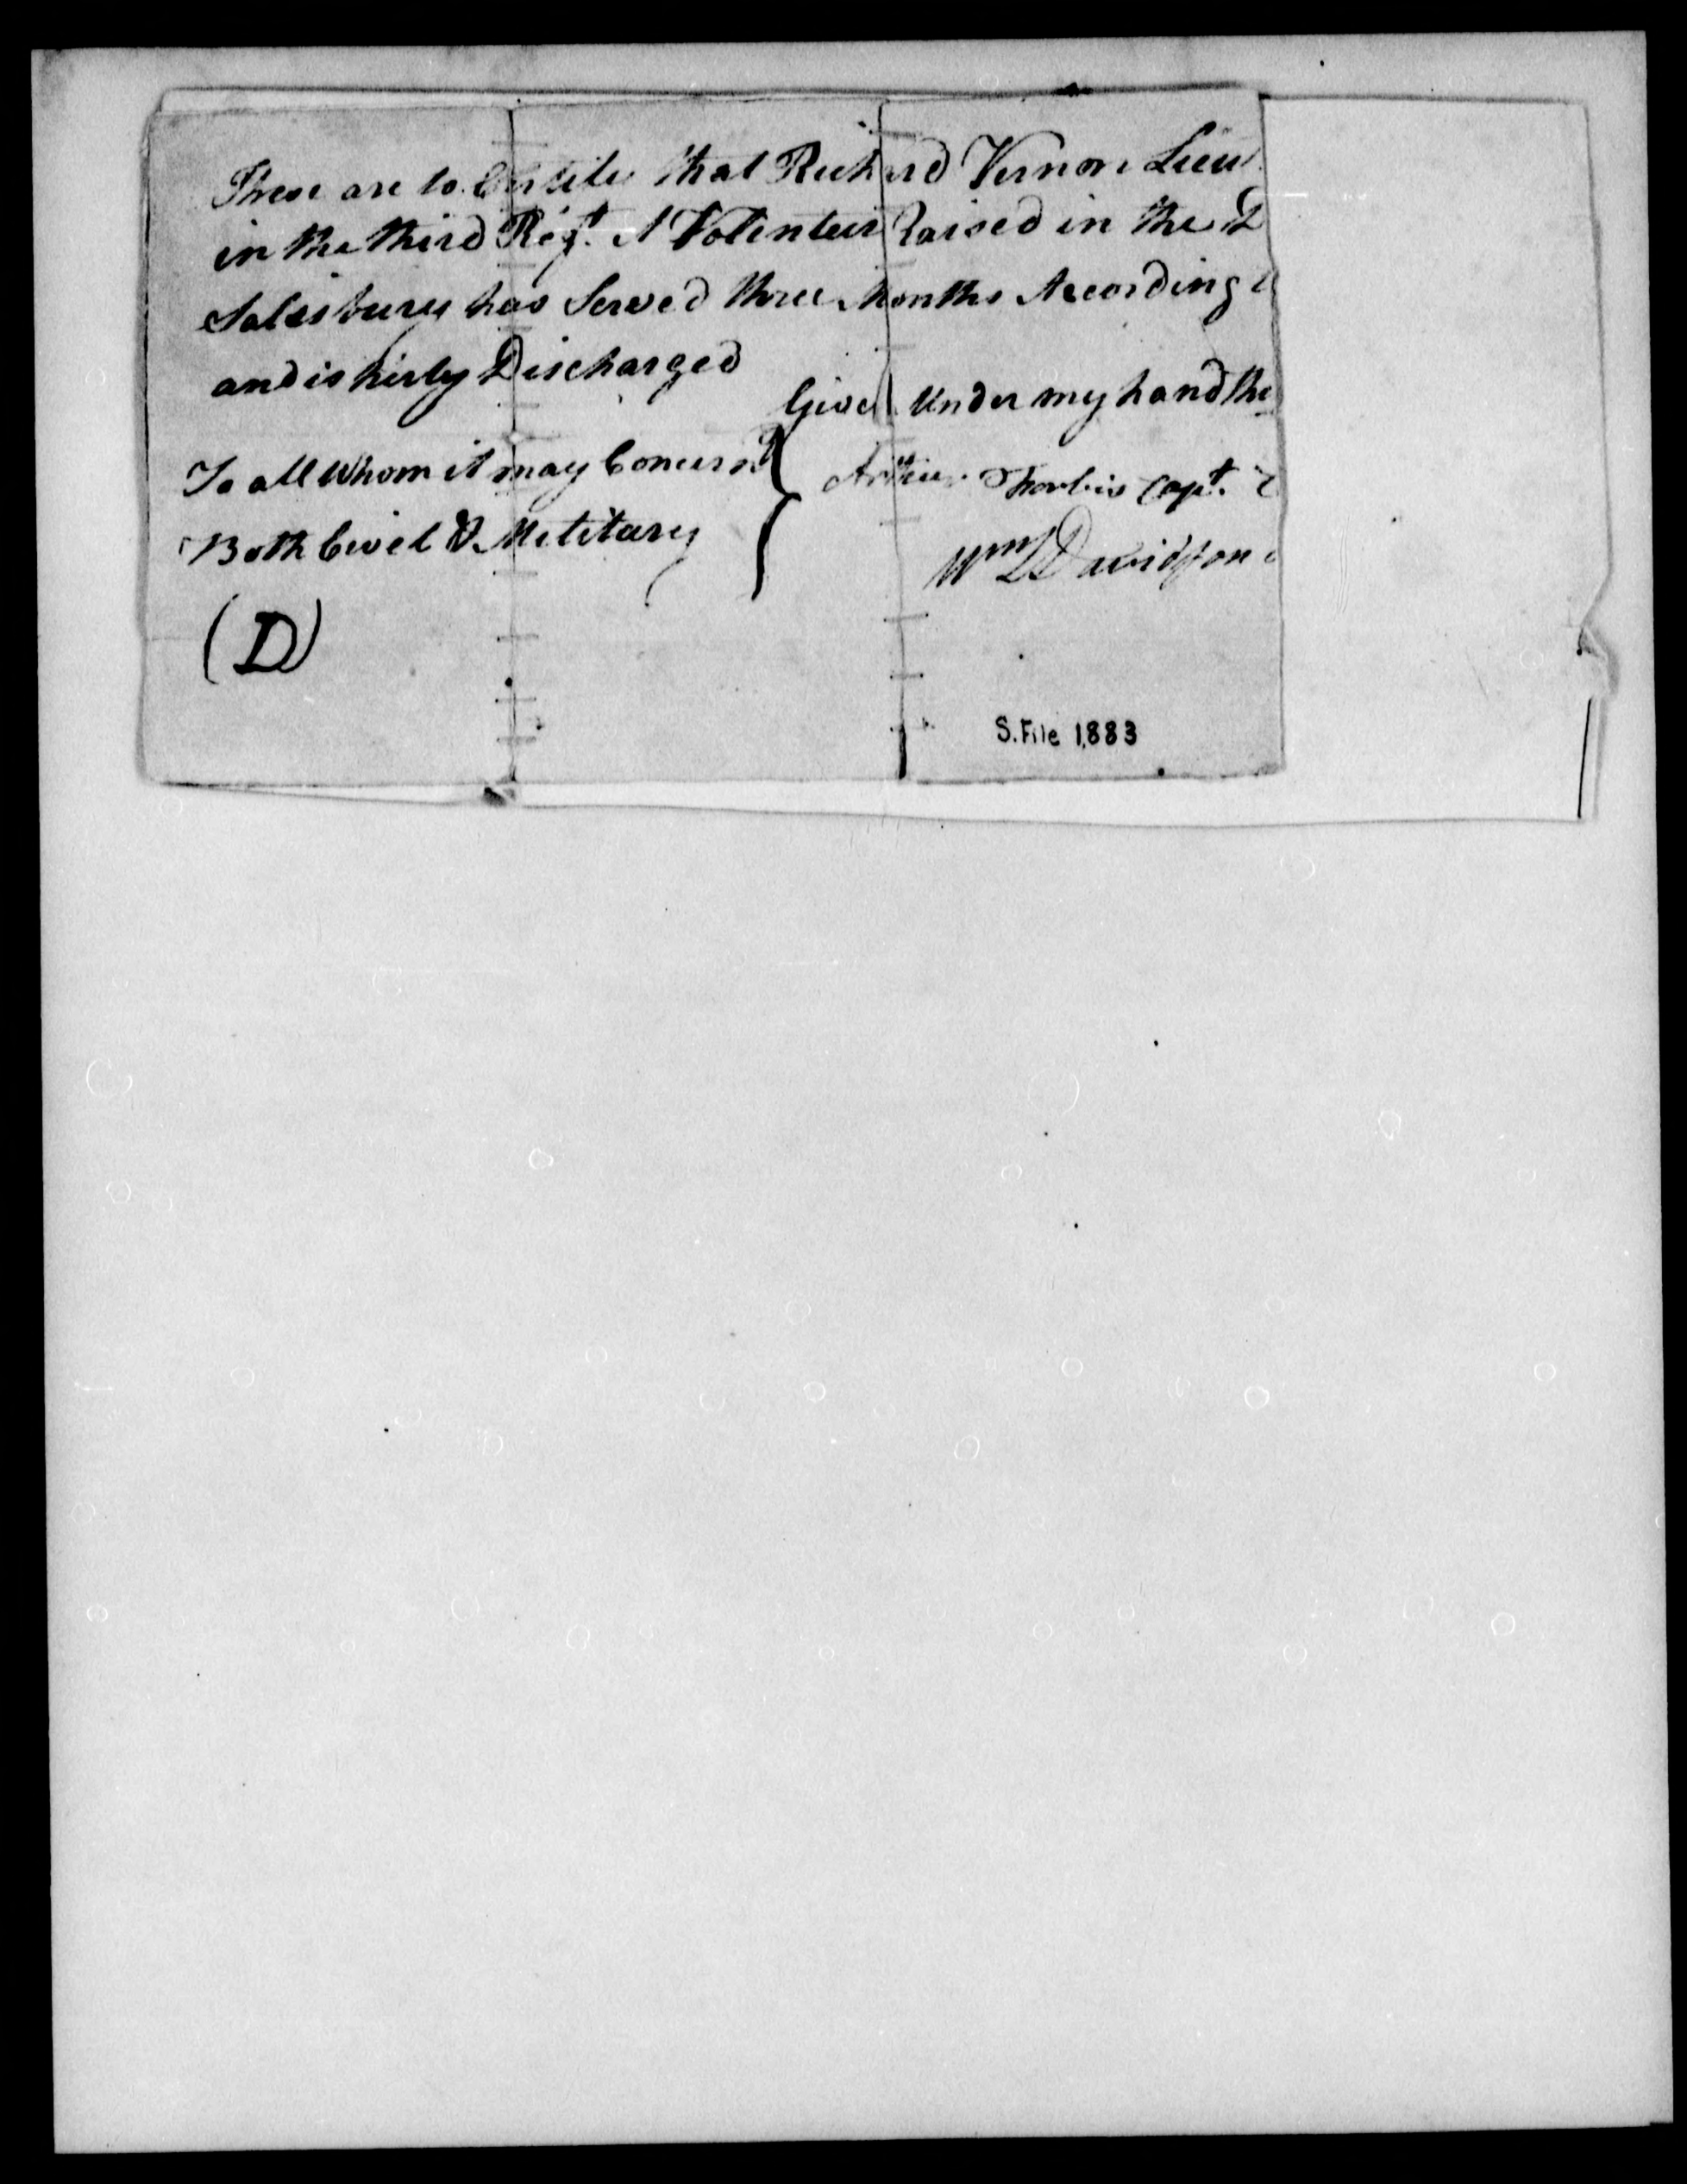These are to Cartify [sic] that Richard Vernon Lieut.  In the Third Regt. A Volunteer Raised in the [cut off] Salisbury has Served three months According [cut off] and is hirby [sic] Discharged. 
Given under my hand the [cut off] 
To all Whom it may Concern  Both Civil & Military 
Arthur Forbis, Capt.
Wm L. Davidson
(D)
S.File 1883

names: Wm L Davidson, Arthur Forbis, Richard Vernon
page: 30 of 105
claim: survivor's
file: S. 1883, Richard Vernon, N.C.